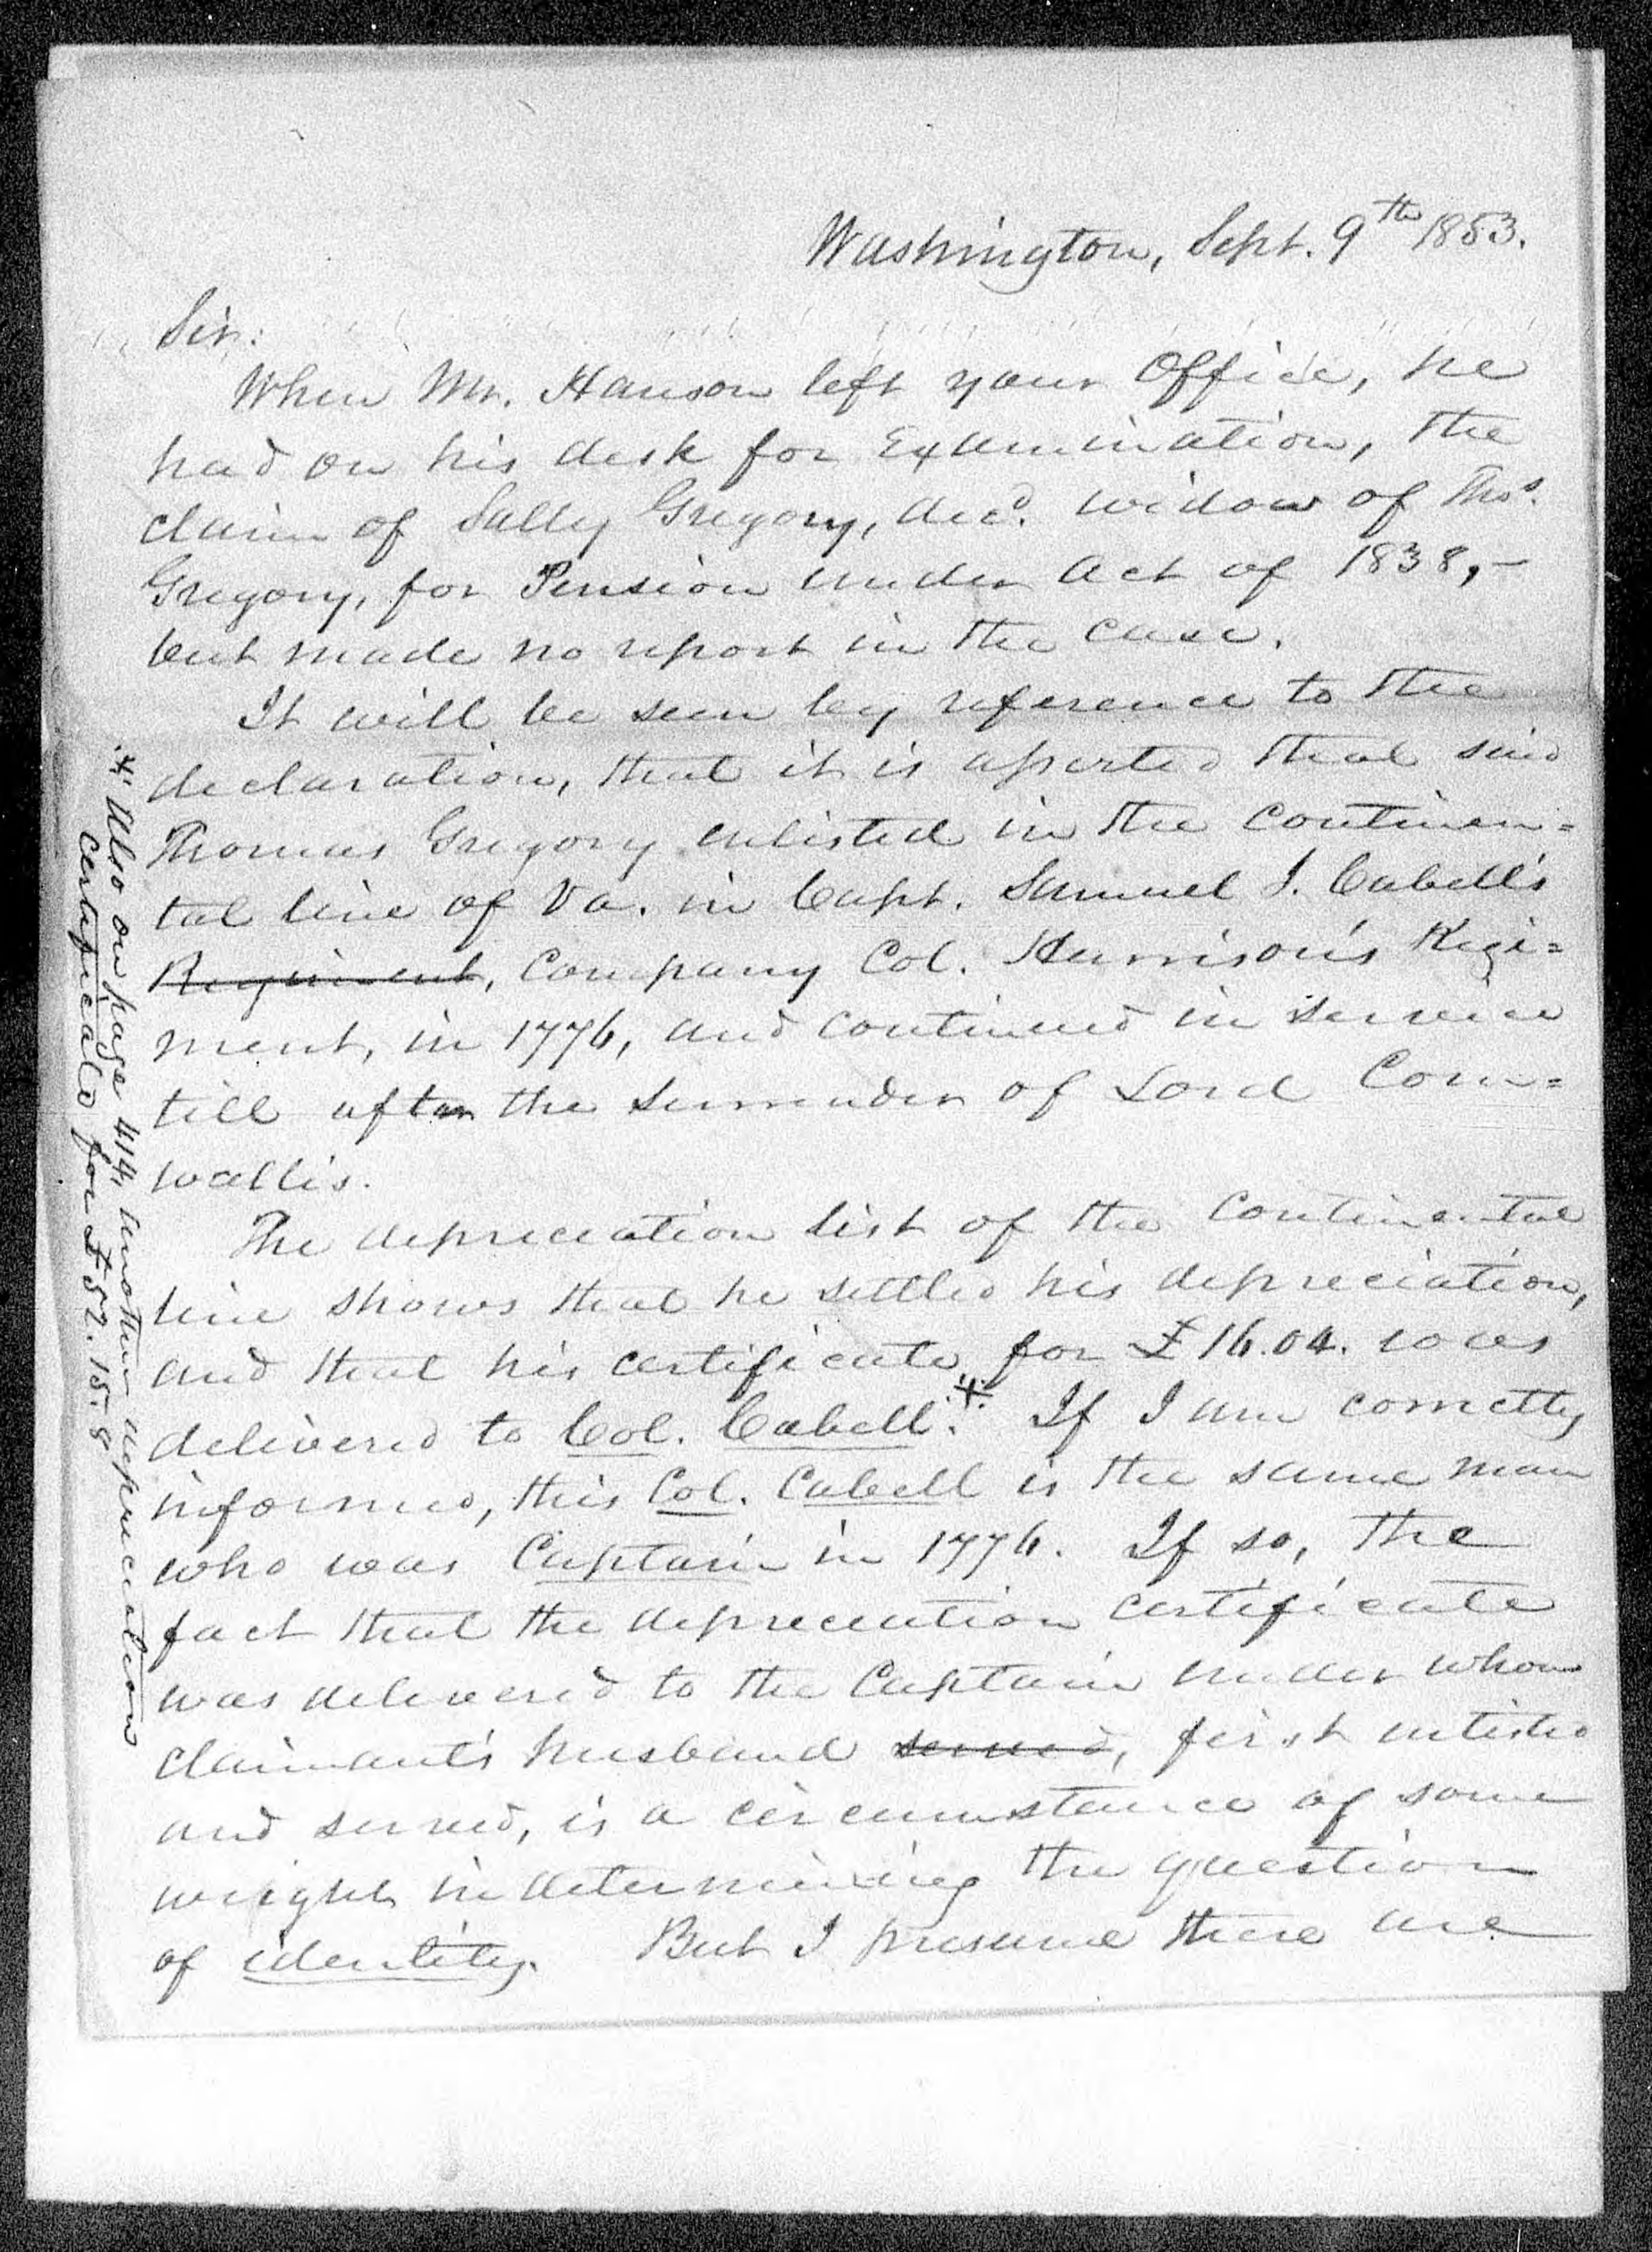Washington, Sept. 9th 1853.
Sir:
When Mr. Hanson left your Office, he had on his desk for examination, the claim of Sally Gregory, dec'd. widow of Tho's. Gregory, for Pension under Act of 1838,-but made no report in the case.
It will be seen by reference to the declaration, that it is asserted that said Thomas Gregory enlisted in the continental line of Va. in Capt. Samuel J. Cabell's [crossed out: regiment] Company Col. Harrison's Regiment, in 1776, and continued in service till after the Surrender of Lord Cornwallis.
The depreciation list of the continental line shows that he settled his depreciation, and that his certificate for £16.04 was delivered to Col. Cabell *  If I am correctly informed, this Col. Cabell is the same man who was Captain in 1776. If so, the fact that the depreciation certificate was delivered to the Captain under whom claimant's husband [marked out: served] first enlisted and served, is a circumstance of some weight in determining the question of identity.  Bit I presume there are

* Also on page 414, another depreciation certificate for £52.15.8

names: Thomas Gregory, Cabell, Thos Gregory, Sally Gregory, Cabell, Lord Cornwallis, Hanson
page: 39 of 75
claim: widow's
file: W. 8876, Thomas Gregory, Continental Va